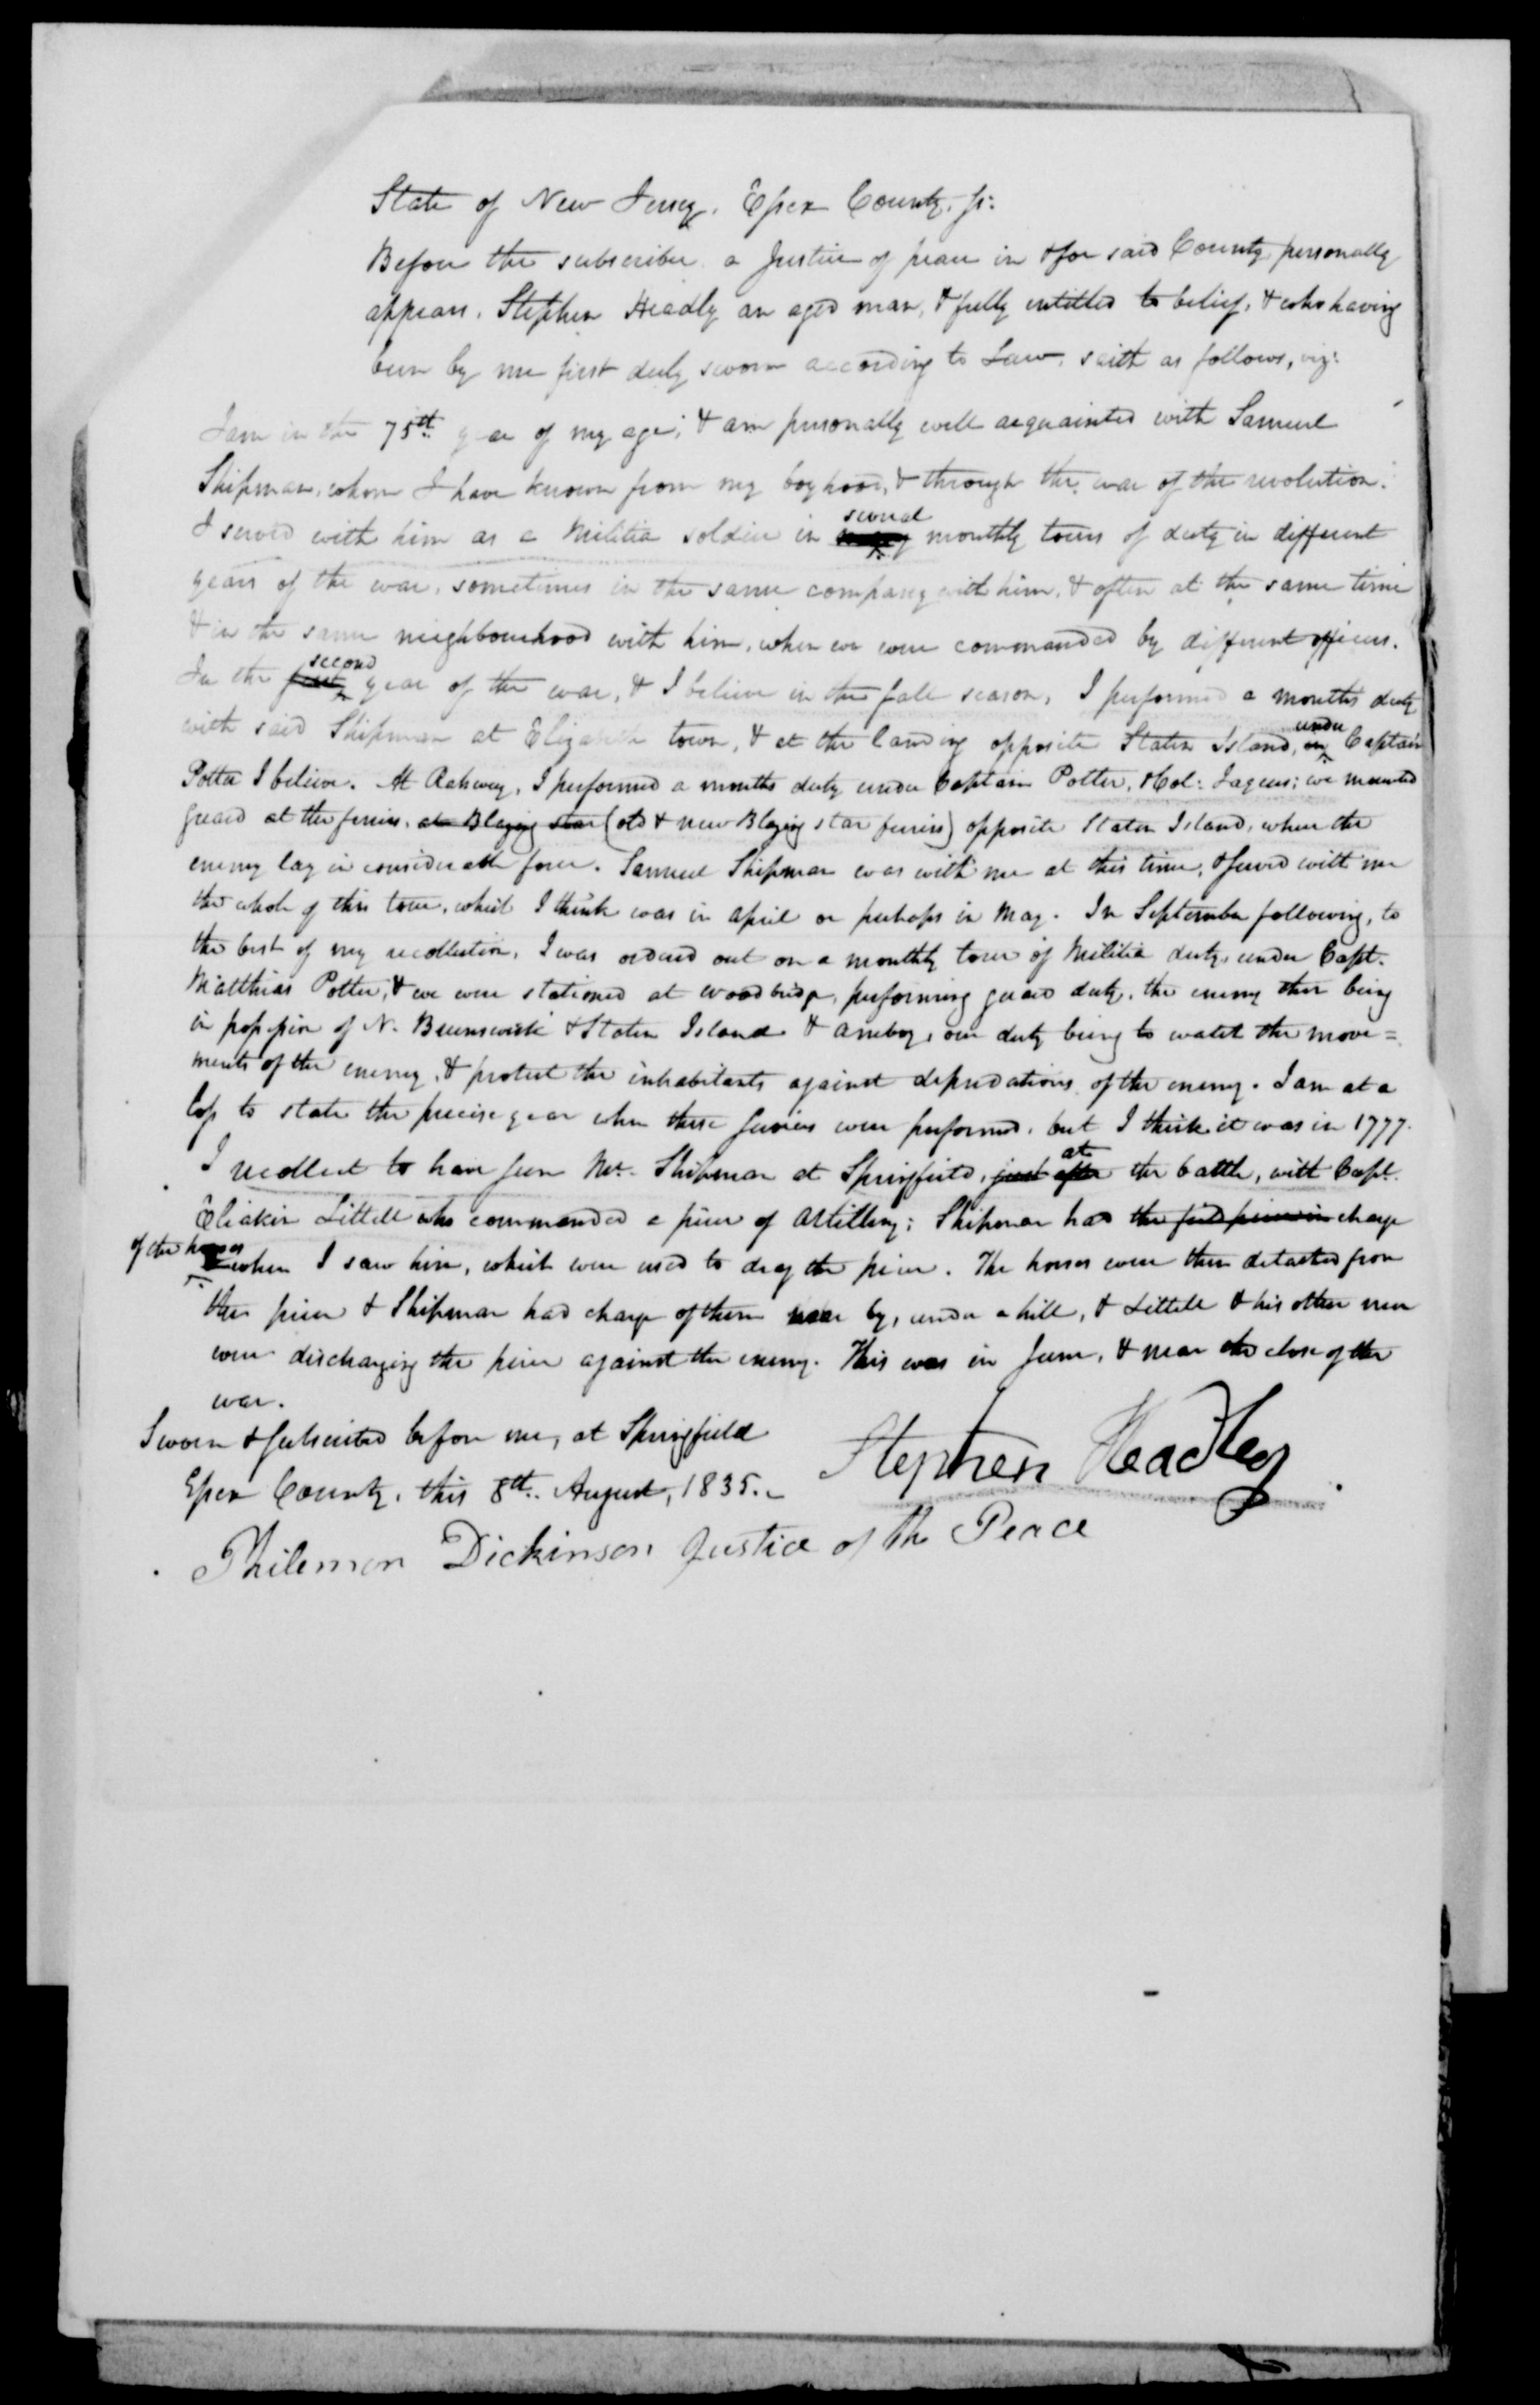State of New Jersey, Essex County, SS.
Before the subscriber a Justice of peace in & for said County personally appears Stephen Headly an aged man, & fully entitled to belief, & who having been by me first duly sworn according to Law, saith as follows, viz:
I am in the 75th year of my age, & am personally well acquainted with Samuel Shipman whom I have known from my boyhood, & through the war of the revolution. I served with him as a militia soldier in several monthly tours of duty in different years of the war, sometimes in the same company with him, & often at the same time & in the same neighbourhood with him, when we were commanded by different officers. In the second year of the war, & I believe in the fall season, I performed a months duty with said Shipman at Elizabeth town, & at the landing opposite Staten Island, under Captain Potter I believe. At Rahway, I performed a months duty under Captain Potter, & Col. Jaques; we mounted guard at the ferries, (old & new Blazing Star ferries) opposite Staten Island, where the enemy lay in considerate force. Samuel Shipman was with me at this time, & served with me the whole of this tour which I think was in April or perhaps in May. In September following, to the best of my recollection, I was ordered out on a monthly tour of Militia duty under Capt. Matthias Potter, & we were stationed at Woodbridge, performing guard duty, the enemy then being in  possession of N. Brunswick & Staten Island & Amboy, our duty being to watch the movements of the enemy & protect the inhabitants against depredations of the enemy. I am at a loss to state the precise year when these services were performed, but I think it was in 1777.  I recollect to have seen Mr. Shipman at Springfield, at the battle, with Capt. Eliakim Littell who commanded a piece of Artillery. Shipman had charge of the horses when I saw him, which were used to drag the piece. The horses were then detached from the piece & Shipman had charge of them near by, under a hill, & Littell & his other men were discharging the piece against the enemy. This was in June, & near to  the close of the war.
Stephen Headley

Sworn & subscribed before me, at Springfield
Essex County, this 8th August, 1835.
Philemon Dickinson Justice of the Peace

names: Samuel Shipman; Matthias Potter; [BLANK] Shipman; [BLANK] Potter; Samuel Shipman; [BLANK] Shipman; Philemon Dickinson; [BLANK] Potter; [BLANK] Shipman; [BLANK] Shipman; Stephen Headly; [BLANK] Jaques; Eliakim Littell; [BLANK] Littell; Stephen Headley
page: 40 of 44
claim: survivor's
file: S. 912, for Samuel Shipman, New Jersey